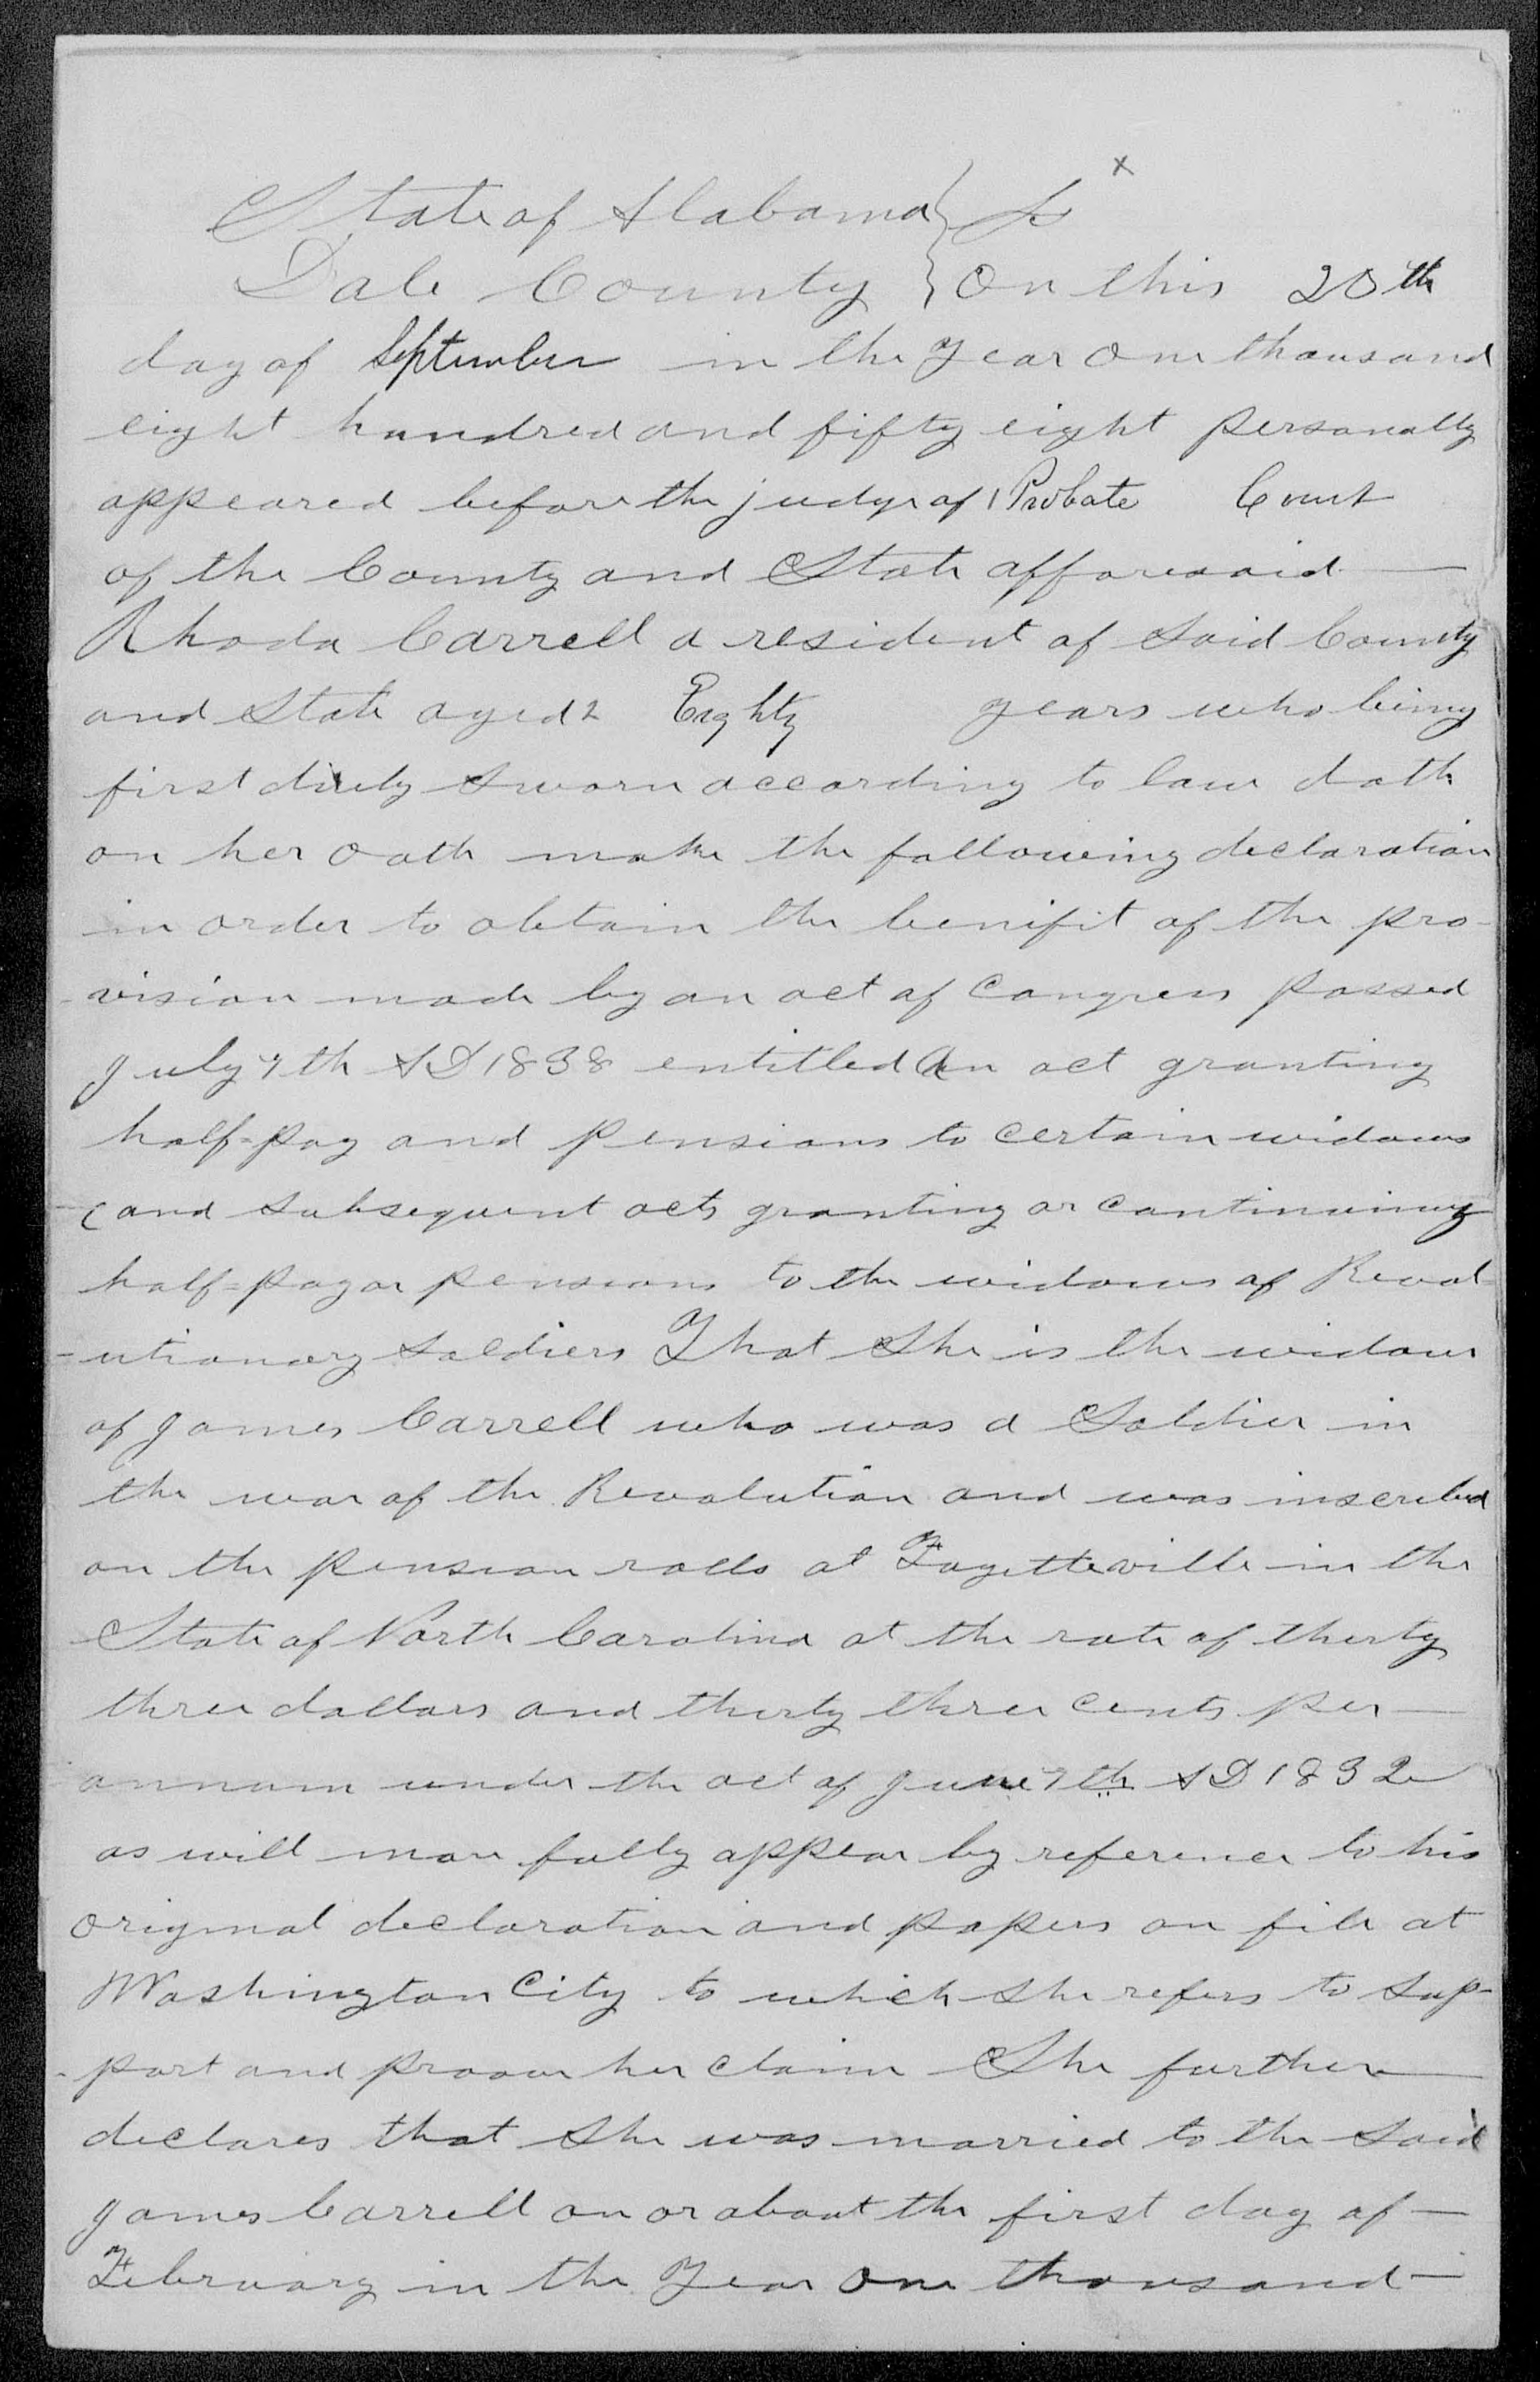Sate of Alabama
Dale County } SS

On this 20th day of September in the year one thousand eight hundred and fifty eight personally appeared before  the judges of Probate court  of the County and State afforesaid Rhoda Carrell a resident of said county and state aged eighty years who being duly sworn according to law doth on her oath make the following declaration in order to obtain the benifit of the provision made by an act of Congress passed July 7th AD 1838 entitled and act granting half-pay and pensions to certain widows (and subsequent acts granting or continuing half pay pensions to the widows of revolutionary soldier That she is the widow of James Carrell who was a soldier in the war of the revolution and was inscribed on the pension rolls at Fayetteville in the State of North Carolina at the rate of thirty three dollars and thirty three cents per annum under the act of June 7th AD 1832 as will man fully appear by reference to his original declaration  and papers on file at Washington City to which she refers to support and prove her claim. She further declares that she was married to the said James Carrell on or about the first day of February in the year one thousand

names: Rhoda Carrell, James Carrell, James Carrell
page: 17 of 86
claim: widow's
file: W. 6899, James Carrell, N.C.